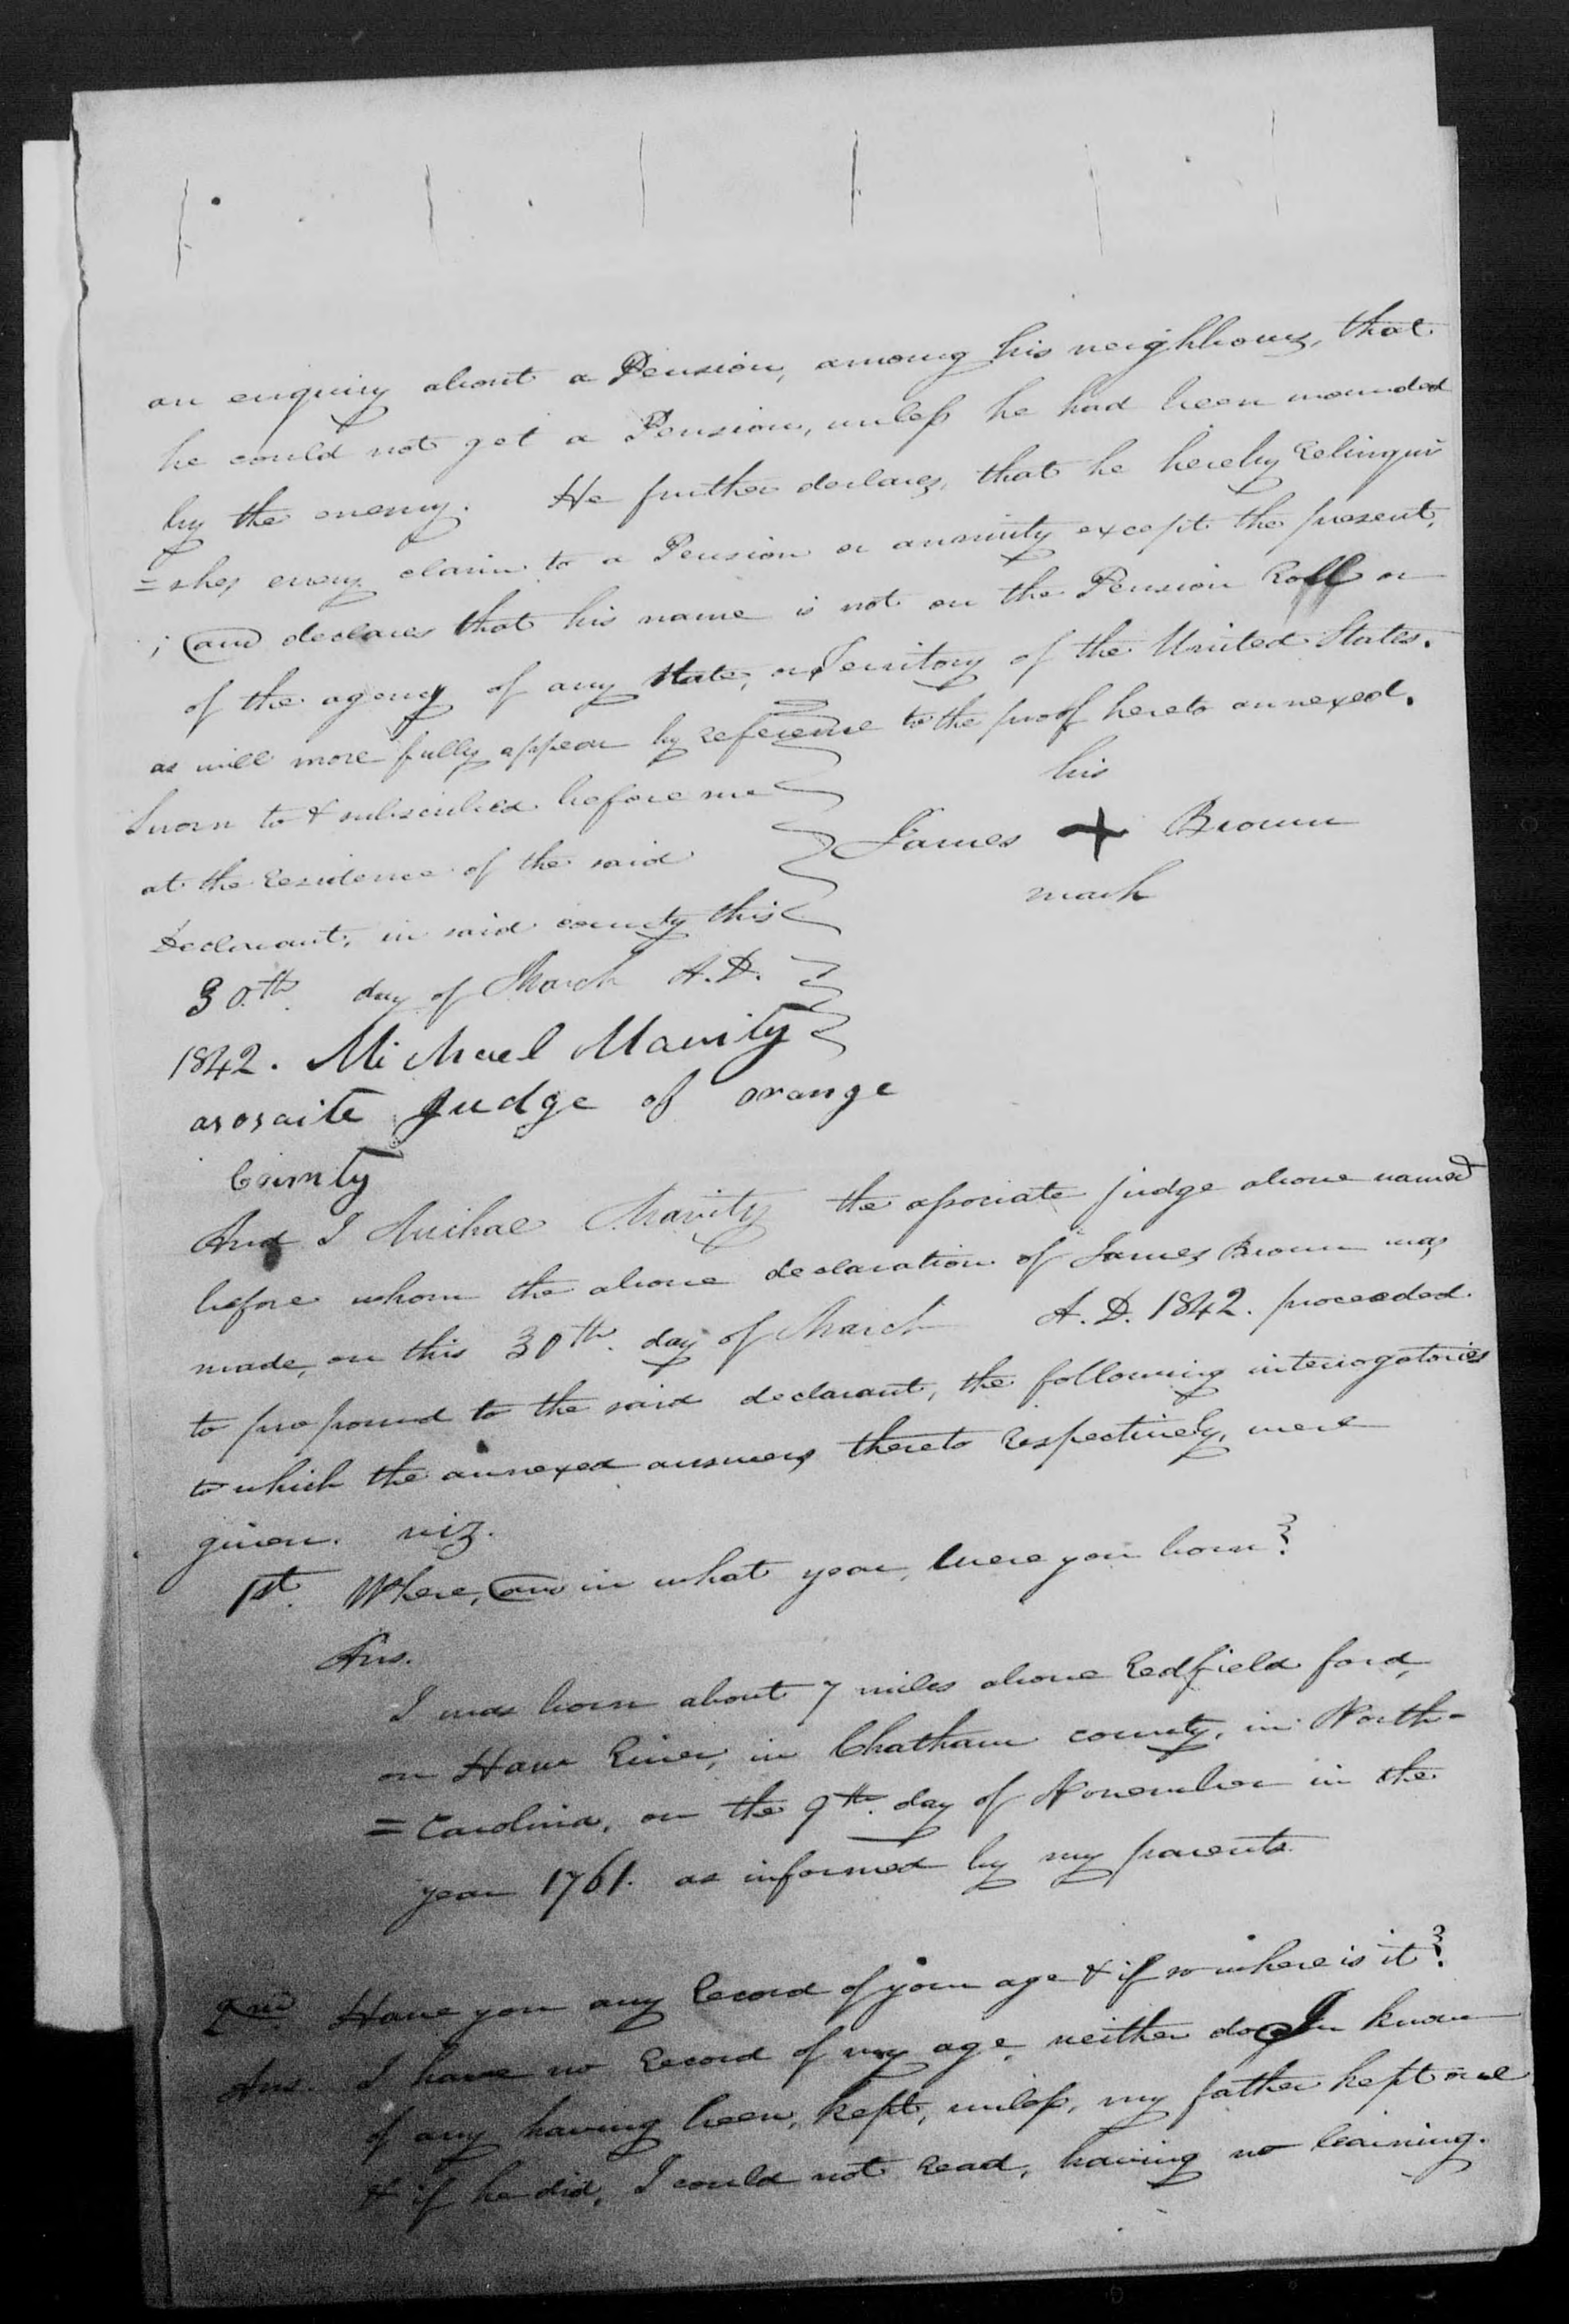an enquiry about a pension, among his neighbours, that he
could not get a pension, unless he had been wounded by the enemy. He further declares that he hereby relinquishes any claim to a Pension or annuity except the present
and declares that his name is not on the Pension Roll or of the aging of any state, Territory of the United States.
as will more fully appear by reference to the proof hereto annexed.
James Brown X His Mark
Sworn to & subscribed before me
at the residence of the said
declarant in said county this 30th day of March A.D. 1842. 
s/ Michael Mavity
Associate Judge of Orange County

And I Michael Mavity the associate
Judge above named before whom the above declaration of James Brown was made on this 30th day of March
A.D. 1842. proceeded to propound to the said declarant, the following interrogatories to which the annexed answers thereto respectively were given viz. 
1st Where, and in what year were you born?
Ans. I was born about 7 miles above Redfield ford on Haw River, in Chatham County in North Carolina, on the 9th day of November in the
year 1761 as informed by my parents
2nd Have you any record of your age & if  so where is it?
Ans. I have no record of my age neither do I know of any having been kept, unless my father kept one & if he did, I could not read, having no learning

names: Michael Mavity, James Brown, James Brown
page: 9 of 41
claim: rejected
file: R. 1309, James Brown, S.C.